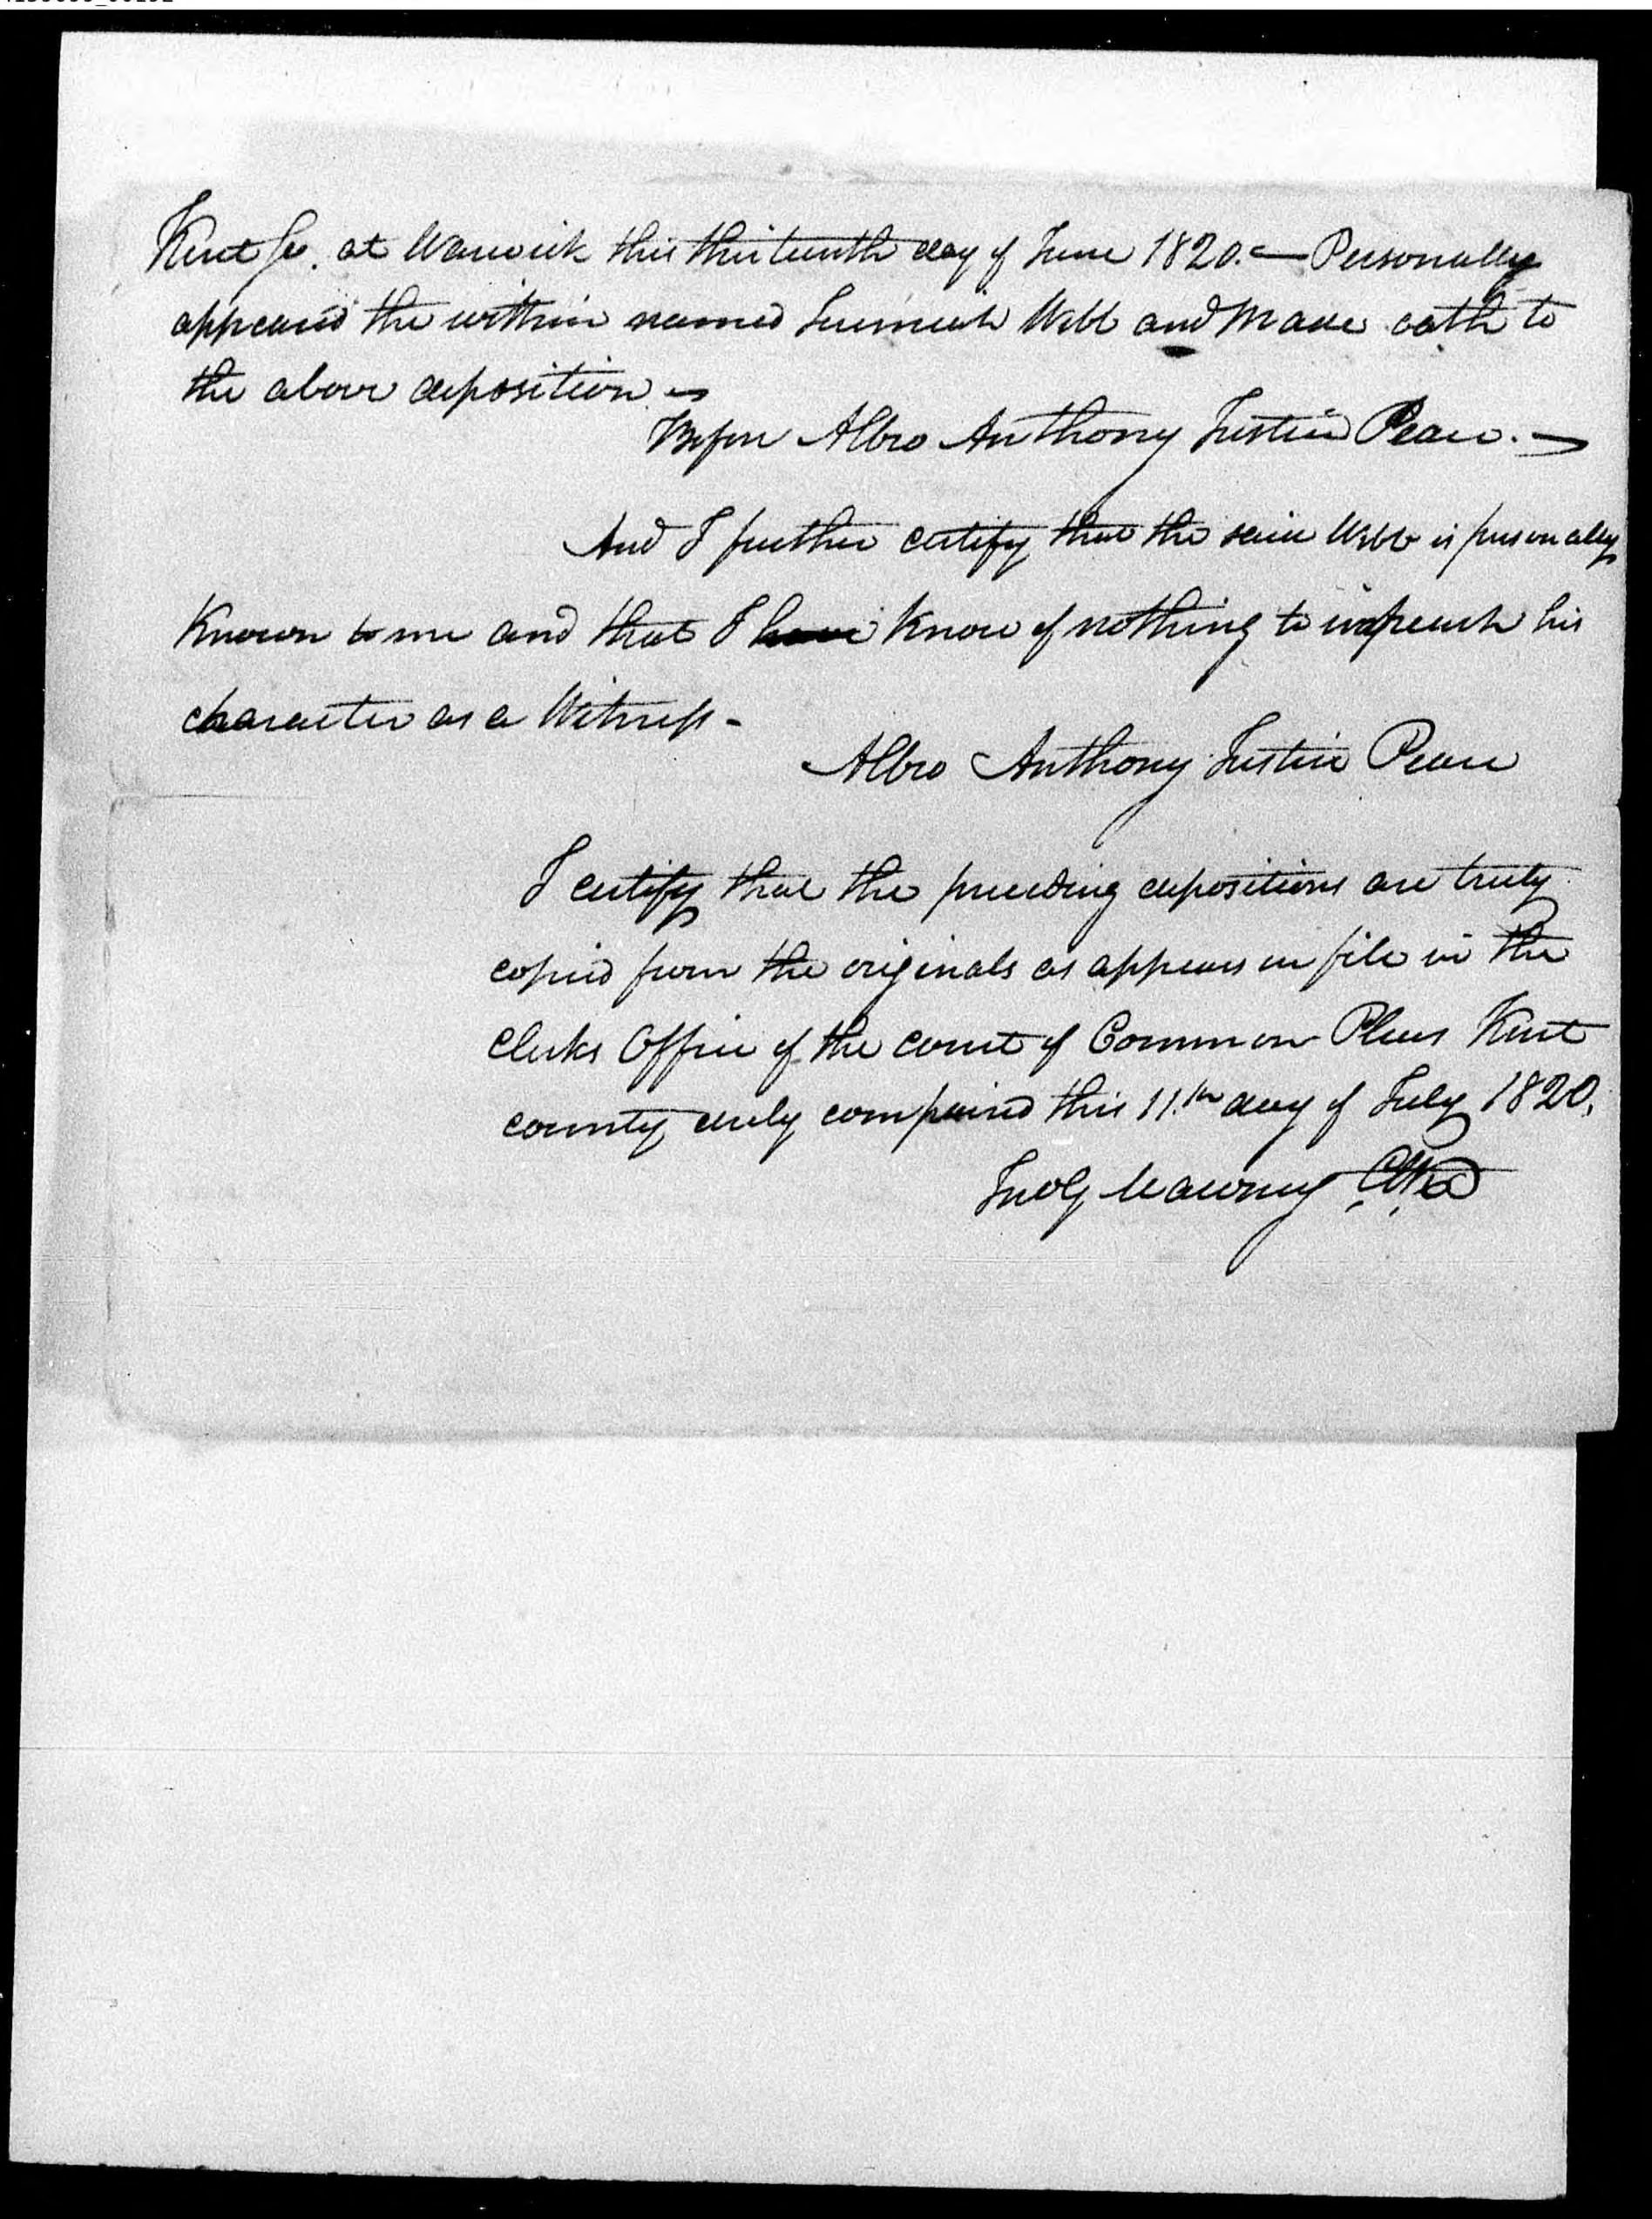Kent Co at Warwick this thirteenth day of June 1820 - Personally appeared the witness named Jeremiah Webb and makes oath to the above deposition. 
Before Albro Anthony Justice Peach 

And I further certify that the said Webb is personally known to me and that I know of nothing to impeach his character as a witness. 
Albro Anthony Justice Peace

I certify that the preceding depositions are truly copied from the originals as appears on file in the clerks office of the court of common places Kent county duly compared this 11th day of July 1820

Jn Mawney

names: Albro Anthony, Webb, Jno G Mawney, Jeremiah Webb, Albro Anthony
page: 20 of 20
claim: survivor's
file: S. 38755, Charles Greene, R.I.